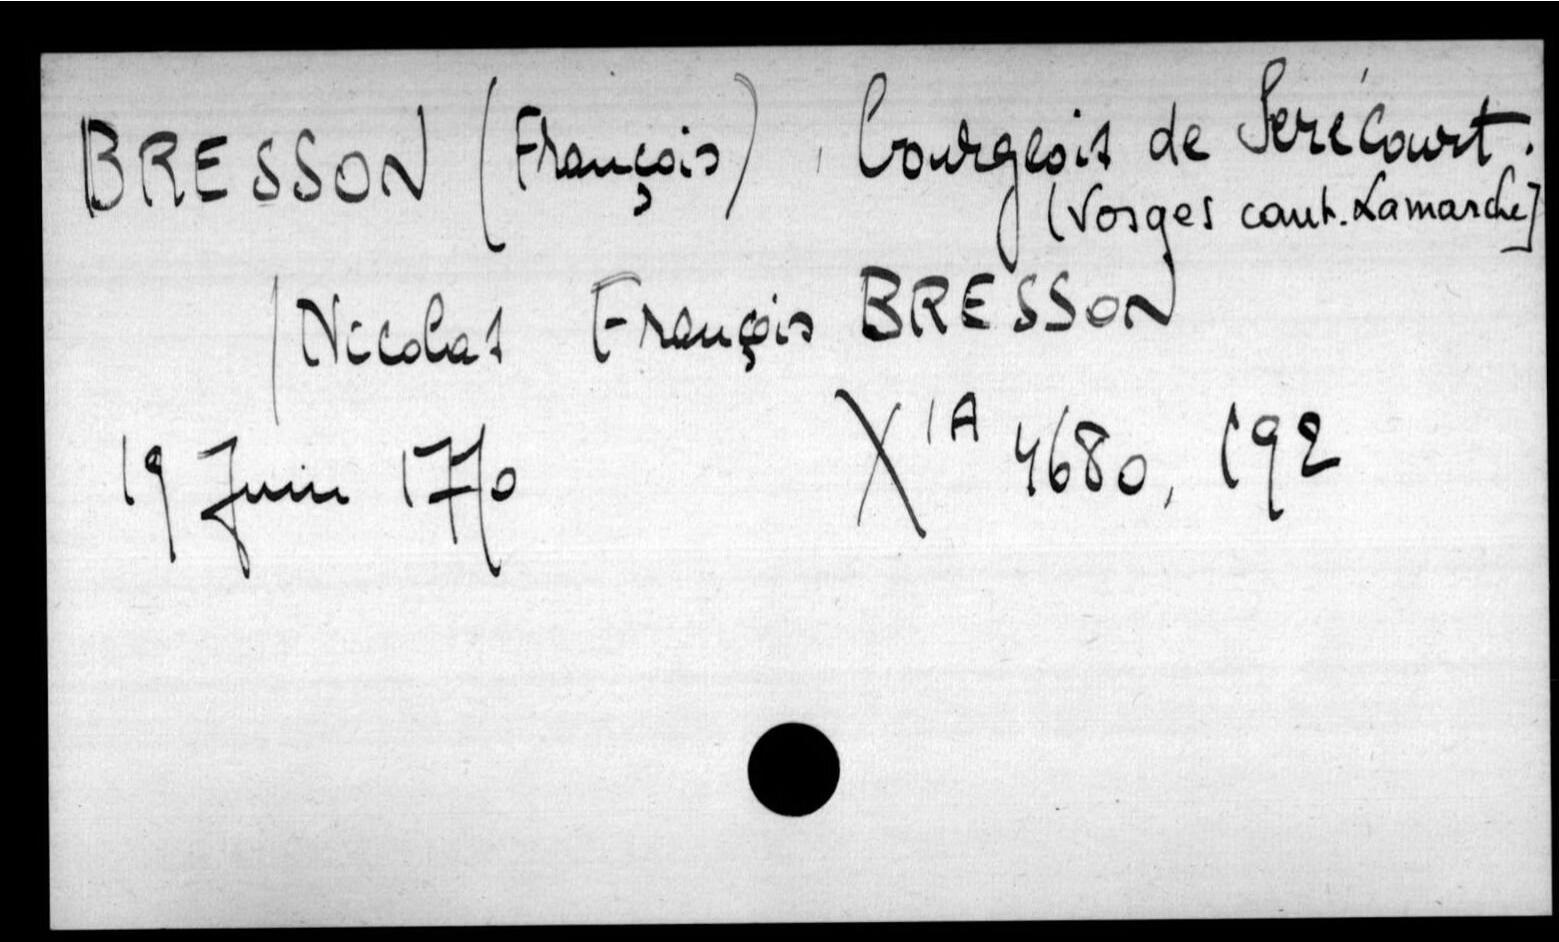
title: BRESSON (François), bourgeois de Serécourt [Vosges canton Lamarche]
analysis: Contre Nicolas François BRESSON
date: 19 juin 1770
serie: X1A
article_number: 4680
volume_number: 192
